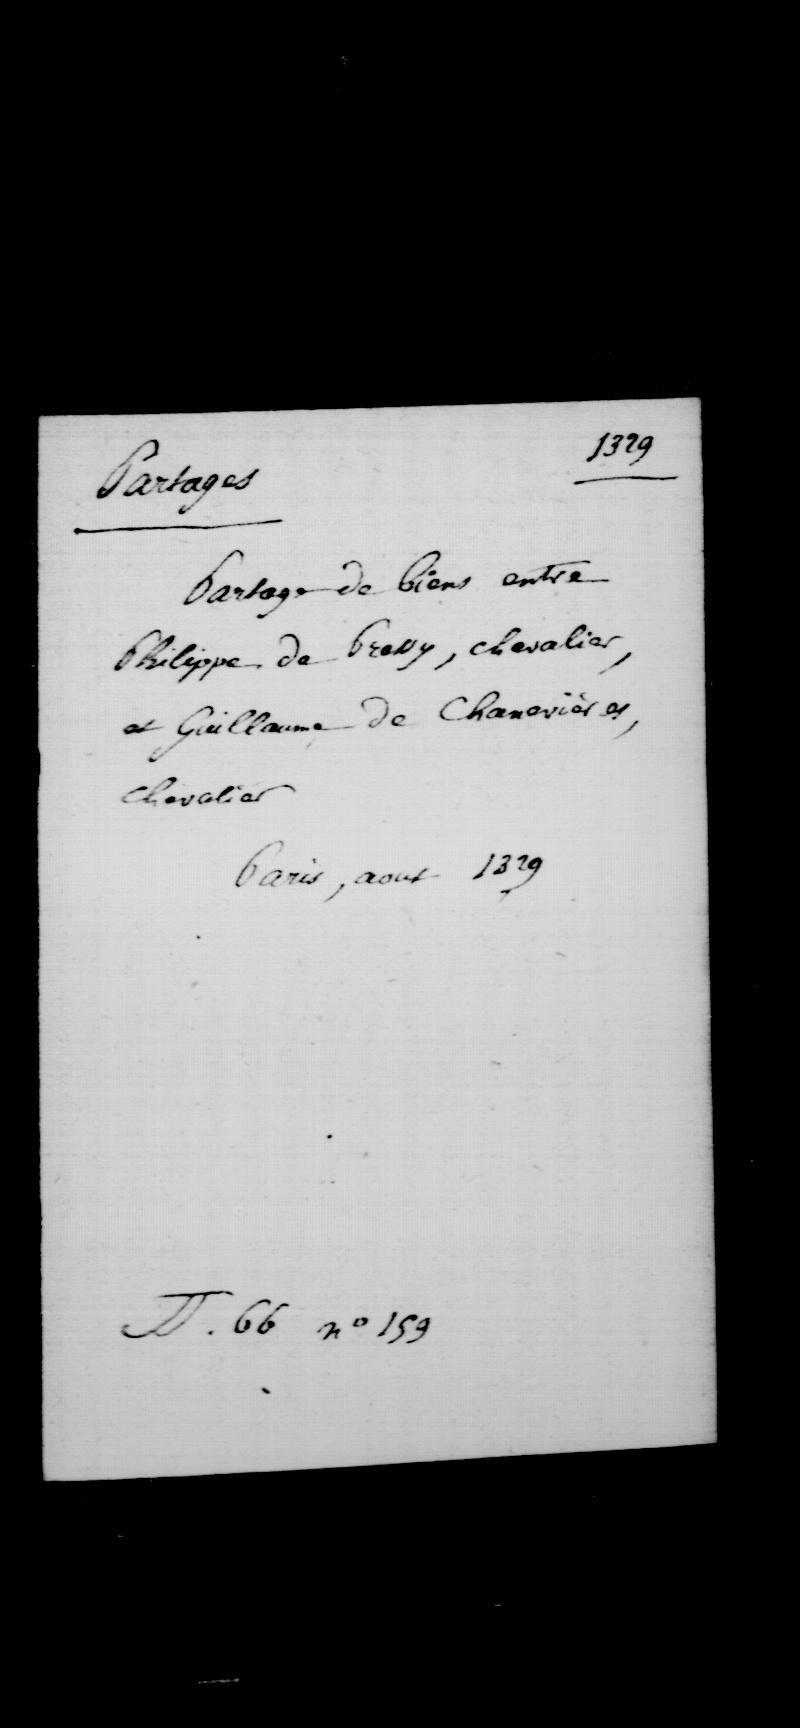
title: Partages
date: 1329
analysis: Partage de biens entre Philippe de Pressy, chevalier, et Guillaume de Chanevières, chevalier Paris
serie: JJ
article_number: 66
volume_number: n° 159
